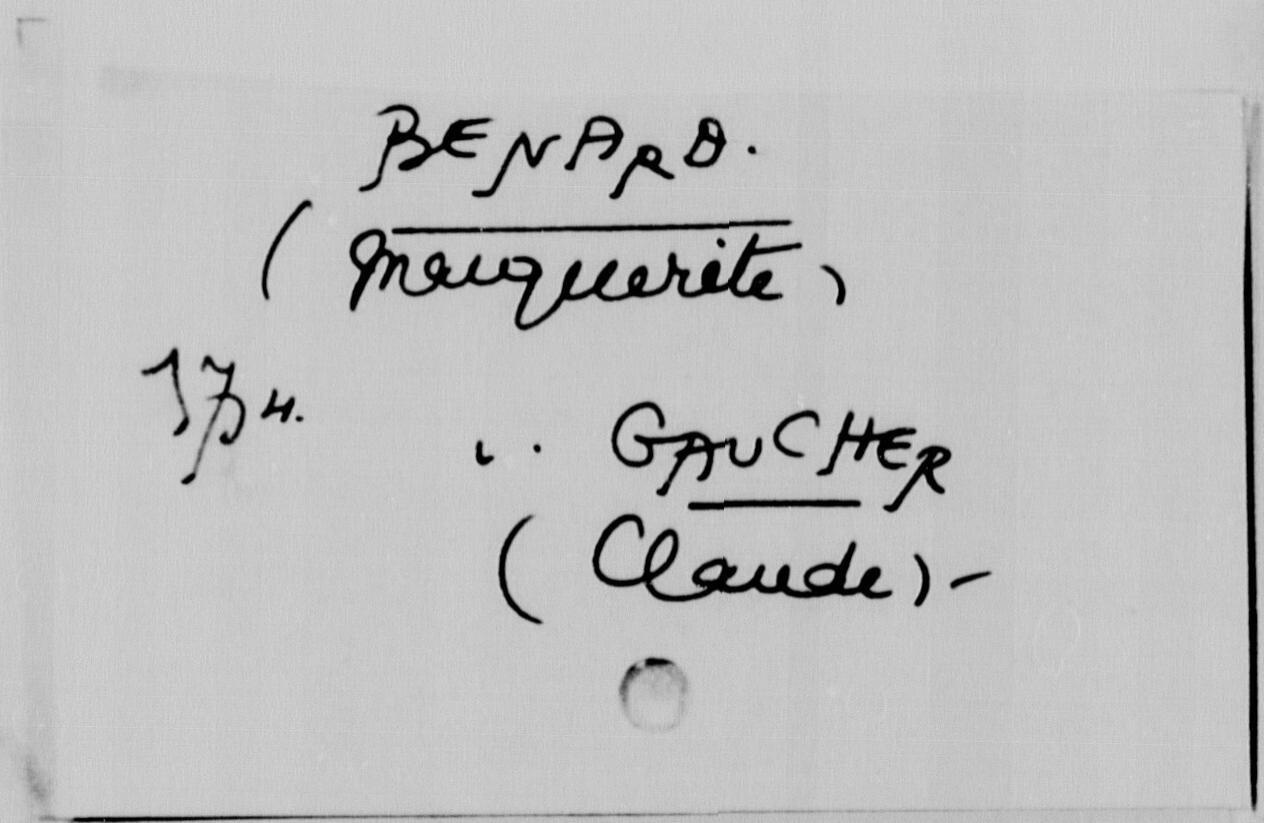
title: BENARD (Marguerite)
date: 1704
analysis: Voir GAUCHER (Claude)
